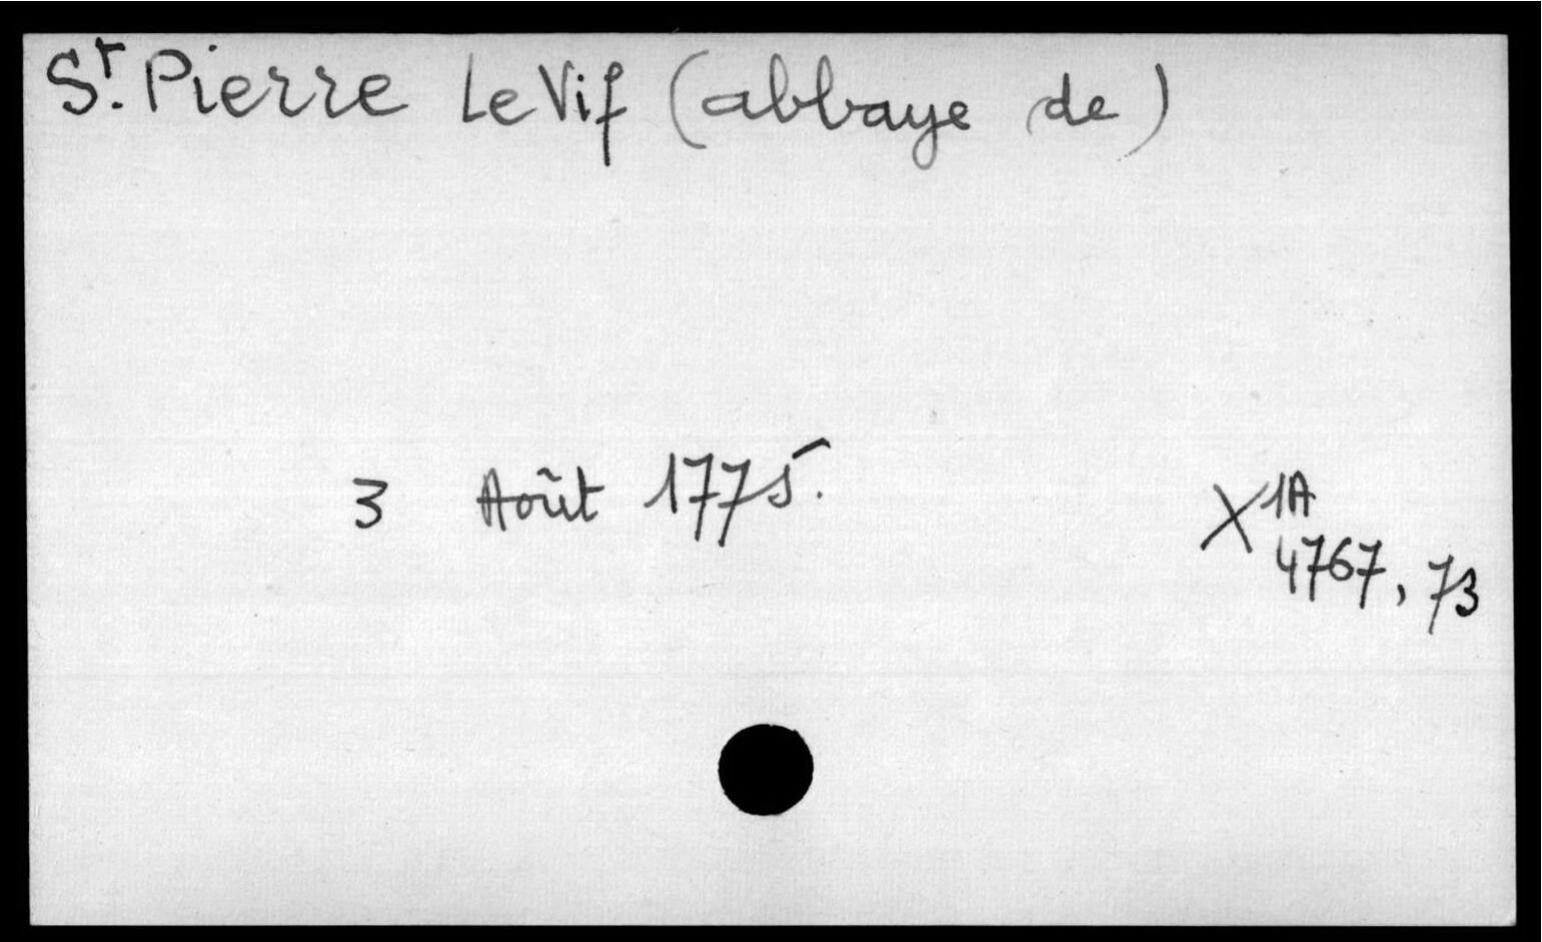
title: SAINT-PIERRE LE VIF (abbaye de)
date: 3 août 1775
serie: X1A
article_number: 4767
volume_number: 73
